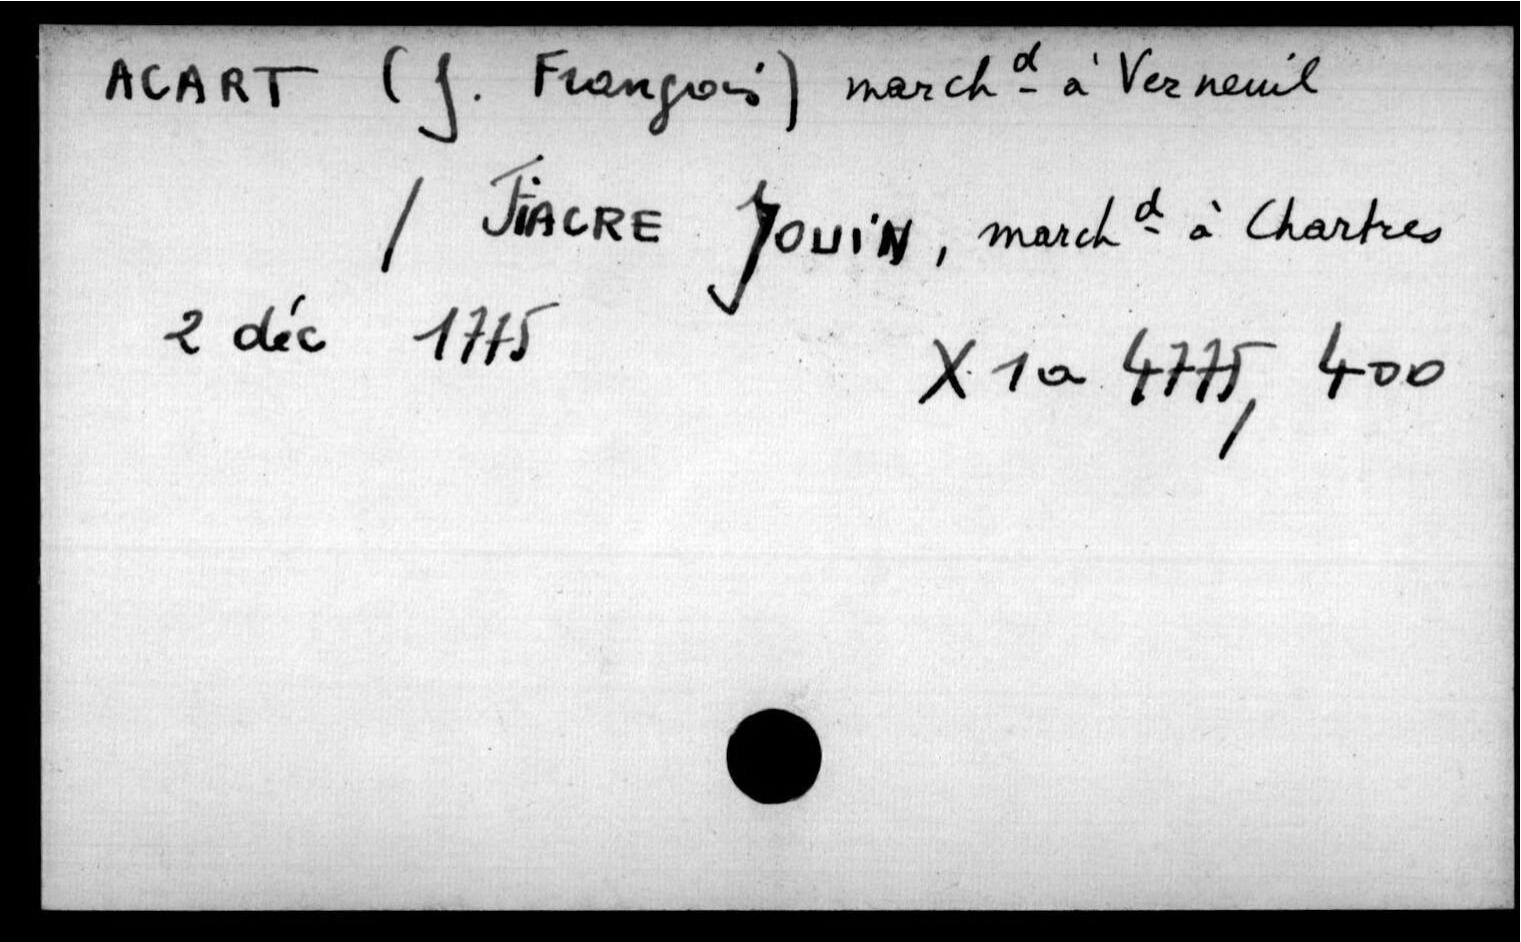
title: ACART (Jean François) marchand à Verneuil
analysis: Contre FIACRE JOUIN, marchand à Chartres
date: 2 décembre 1775
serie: X1a
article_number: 4775
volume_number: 400
